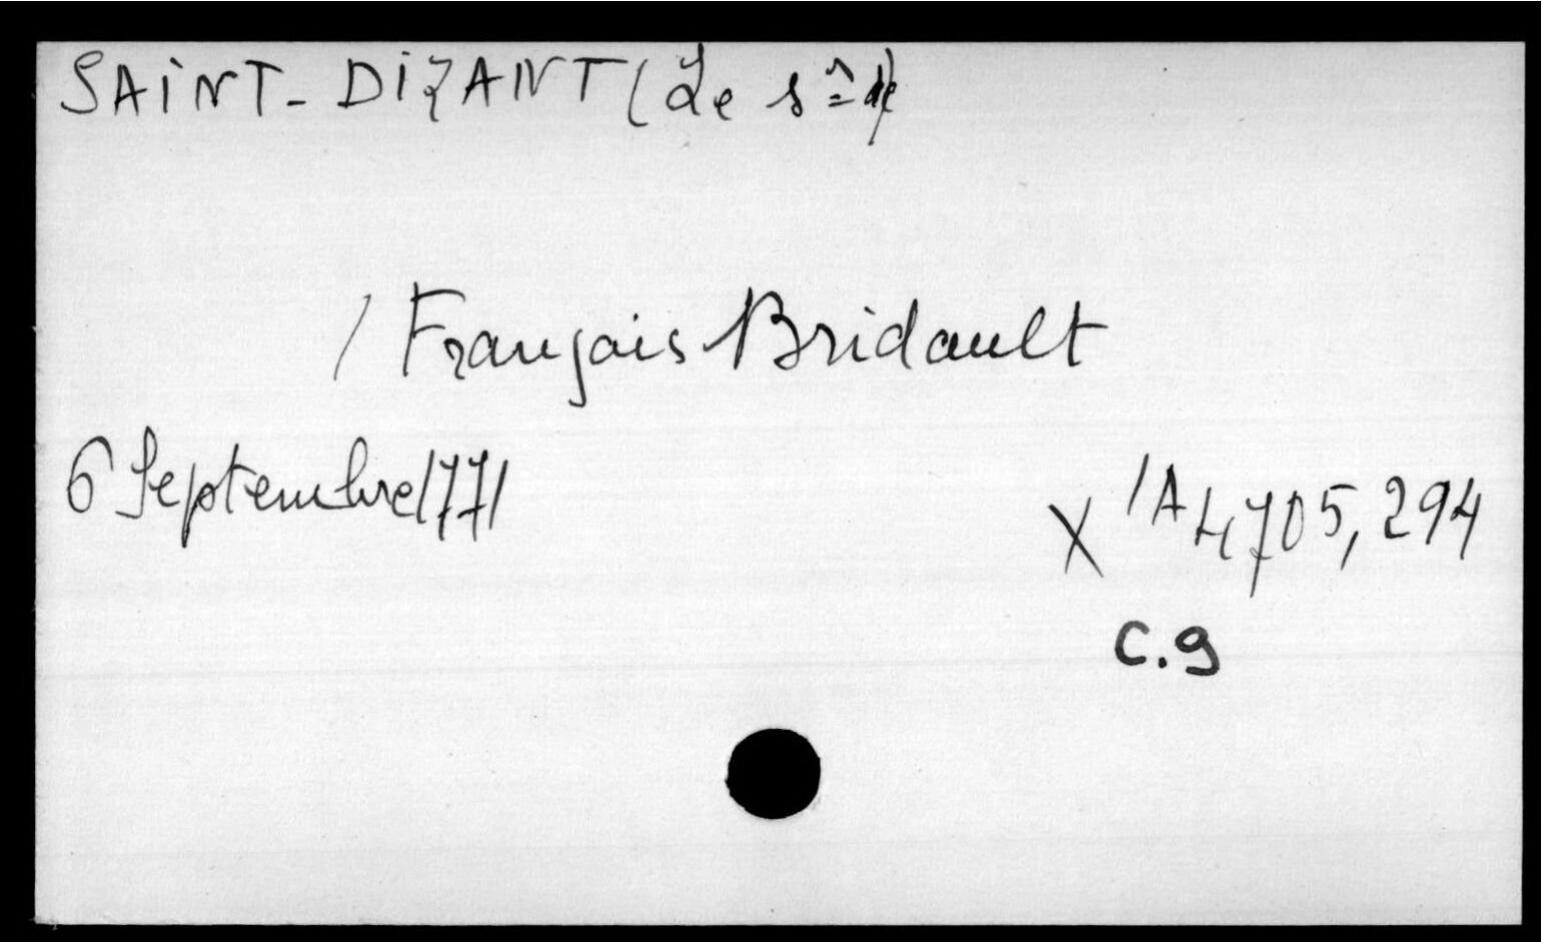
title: SAINT-DIZANT (Le sieur de)
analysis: Contre François Bridault
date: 6 septembre 1771
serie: X1A
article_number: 4705
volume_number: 294 Conseil, 9
